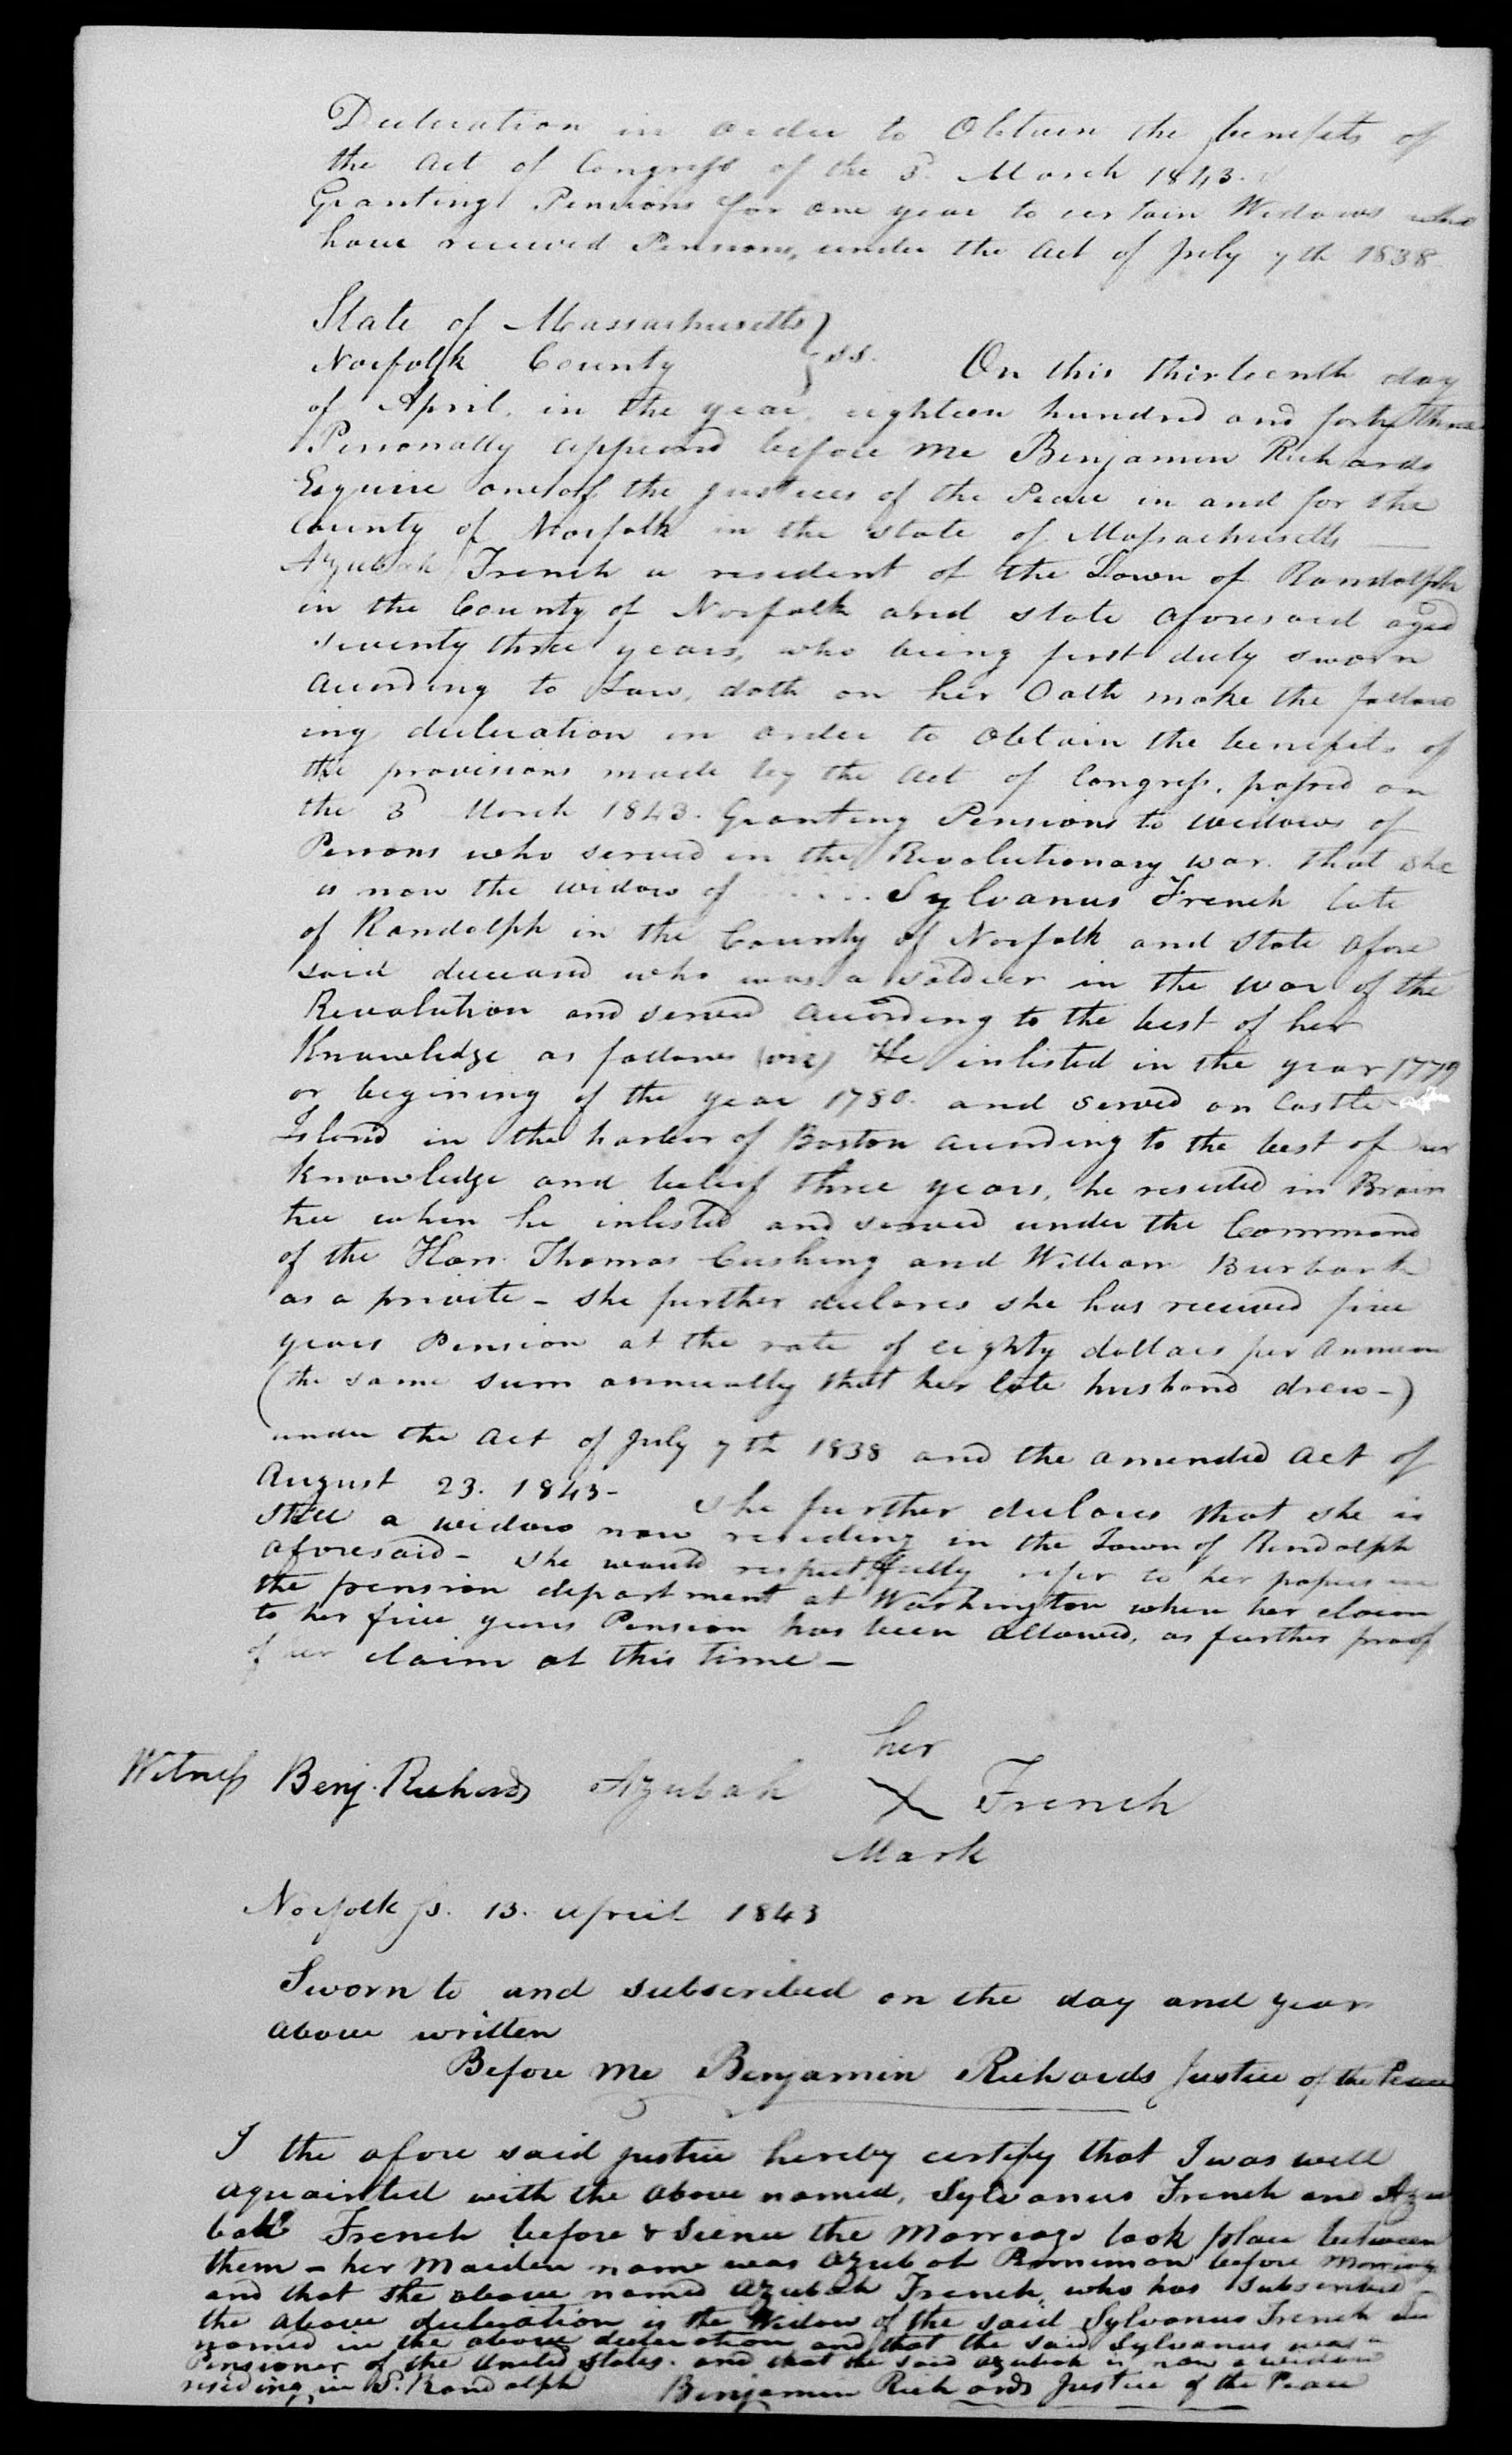Declaration in order to obtain the benefits of the act of Congress of the 3d March 1843 Granting Pensions for one year to certain Widows have received Pensions, under the act of July 7th 1838 

State of Massachusetts Norfolk County SS
On this thirteenth day of April in the year eighteen hundred and forty three Personally appeared before me Benjamin Richards Esquire one of the Justices of the Peace in and for the County of Norfolk in the State of Massachusetts Azubah French a resident of the Town of Randolph in the County of Norfolk and state aforesaid aged Seventy three years, who being first duly sworn according to law, doth on her Oath make the following declaration in order to obtain the benefit of the  provisions made by the act of Congress passed on the 3d March 1843 granting Pensions to widows of Persons who served in the Revolutionary war that she is now the widow of Sylvanus French late of Randolph in the County of Norfolk and State aforesaid deceased who was a soldier in the war of the Revolution and served according to the best of her knowledge as follows (viz) He inlisted in the year 1779 or beginning of the year 1780 and served on Castle Island in the harbor of Boston according to the best of knowledge and belief three years, he resided in Braintree when he inlisted and served under the command of the Hon. Thomas Cushing and William Burbank as a private. She further declares she has received five years pension at the rate of eighty dollars per annum (the same sum annually that her late husband drew) under the act of July 7th 1838 and the amended act of August 23. 1843- she further declares that she is still a widow now residing in the Town of Randolph aforesaid, she would respectfully refer to her papers in the pension department at Washington when her claim to her five years pension has been allowed, as further proof of her claim at this time- 

Witness Benj Richards Azubah her X mark French Mark 

Norfolk ss 13 April 1843 
Sworn to and subscribed on the day and year above written Before me Benjamin Richards Justice of the Peace

I the aforesaid Justice hereby certify that I was well acquainted with the above named, Sylvanus French and Azubah French before & since the marriage took place between them - her maiden name was Azubah Penniman before marriage and that the above named Azubah French who has subscribed the above declaration is the Widow of the said Silvanus French named in the above declaration and that the said Sylvanus was Pensioner of the United States and that the said Azubah is now in residing in W. Randolph 

Benjamin Richards Justice of the Peace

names: Benj Richards, Azubah French, Sylvanus French, Thomas Cushing, Sylvanus, Azubah Penniman, Azubah French, Azubah French, Azubah French, Sylvanus French, William Burbank, Benjamin Richards, Benjamin Richards, Benjamin Richards, Azubah, Sylvanus French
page: 28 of 38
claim: widow's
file: W. 24,235, Silvanus French, Mass.